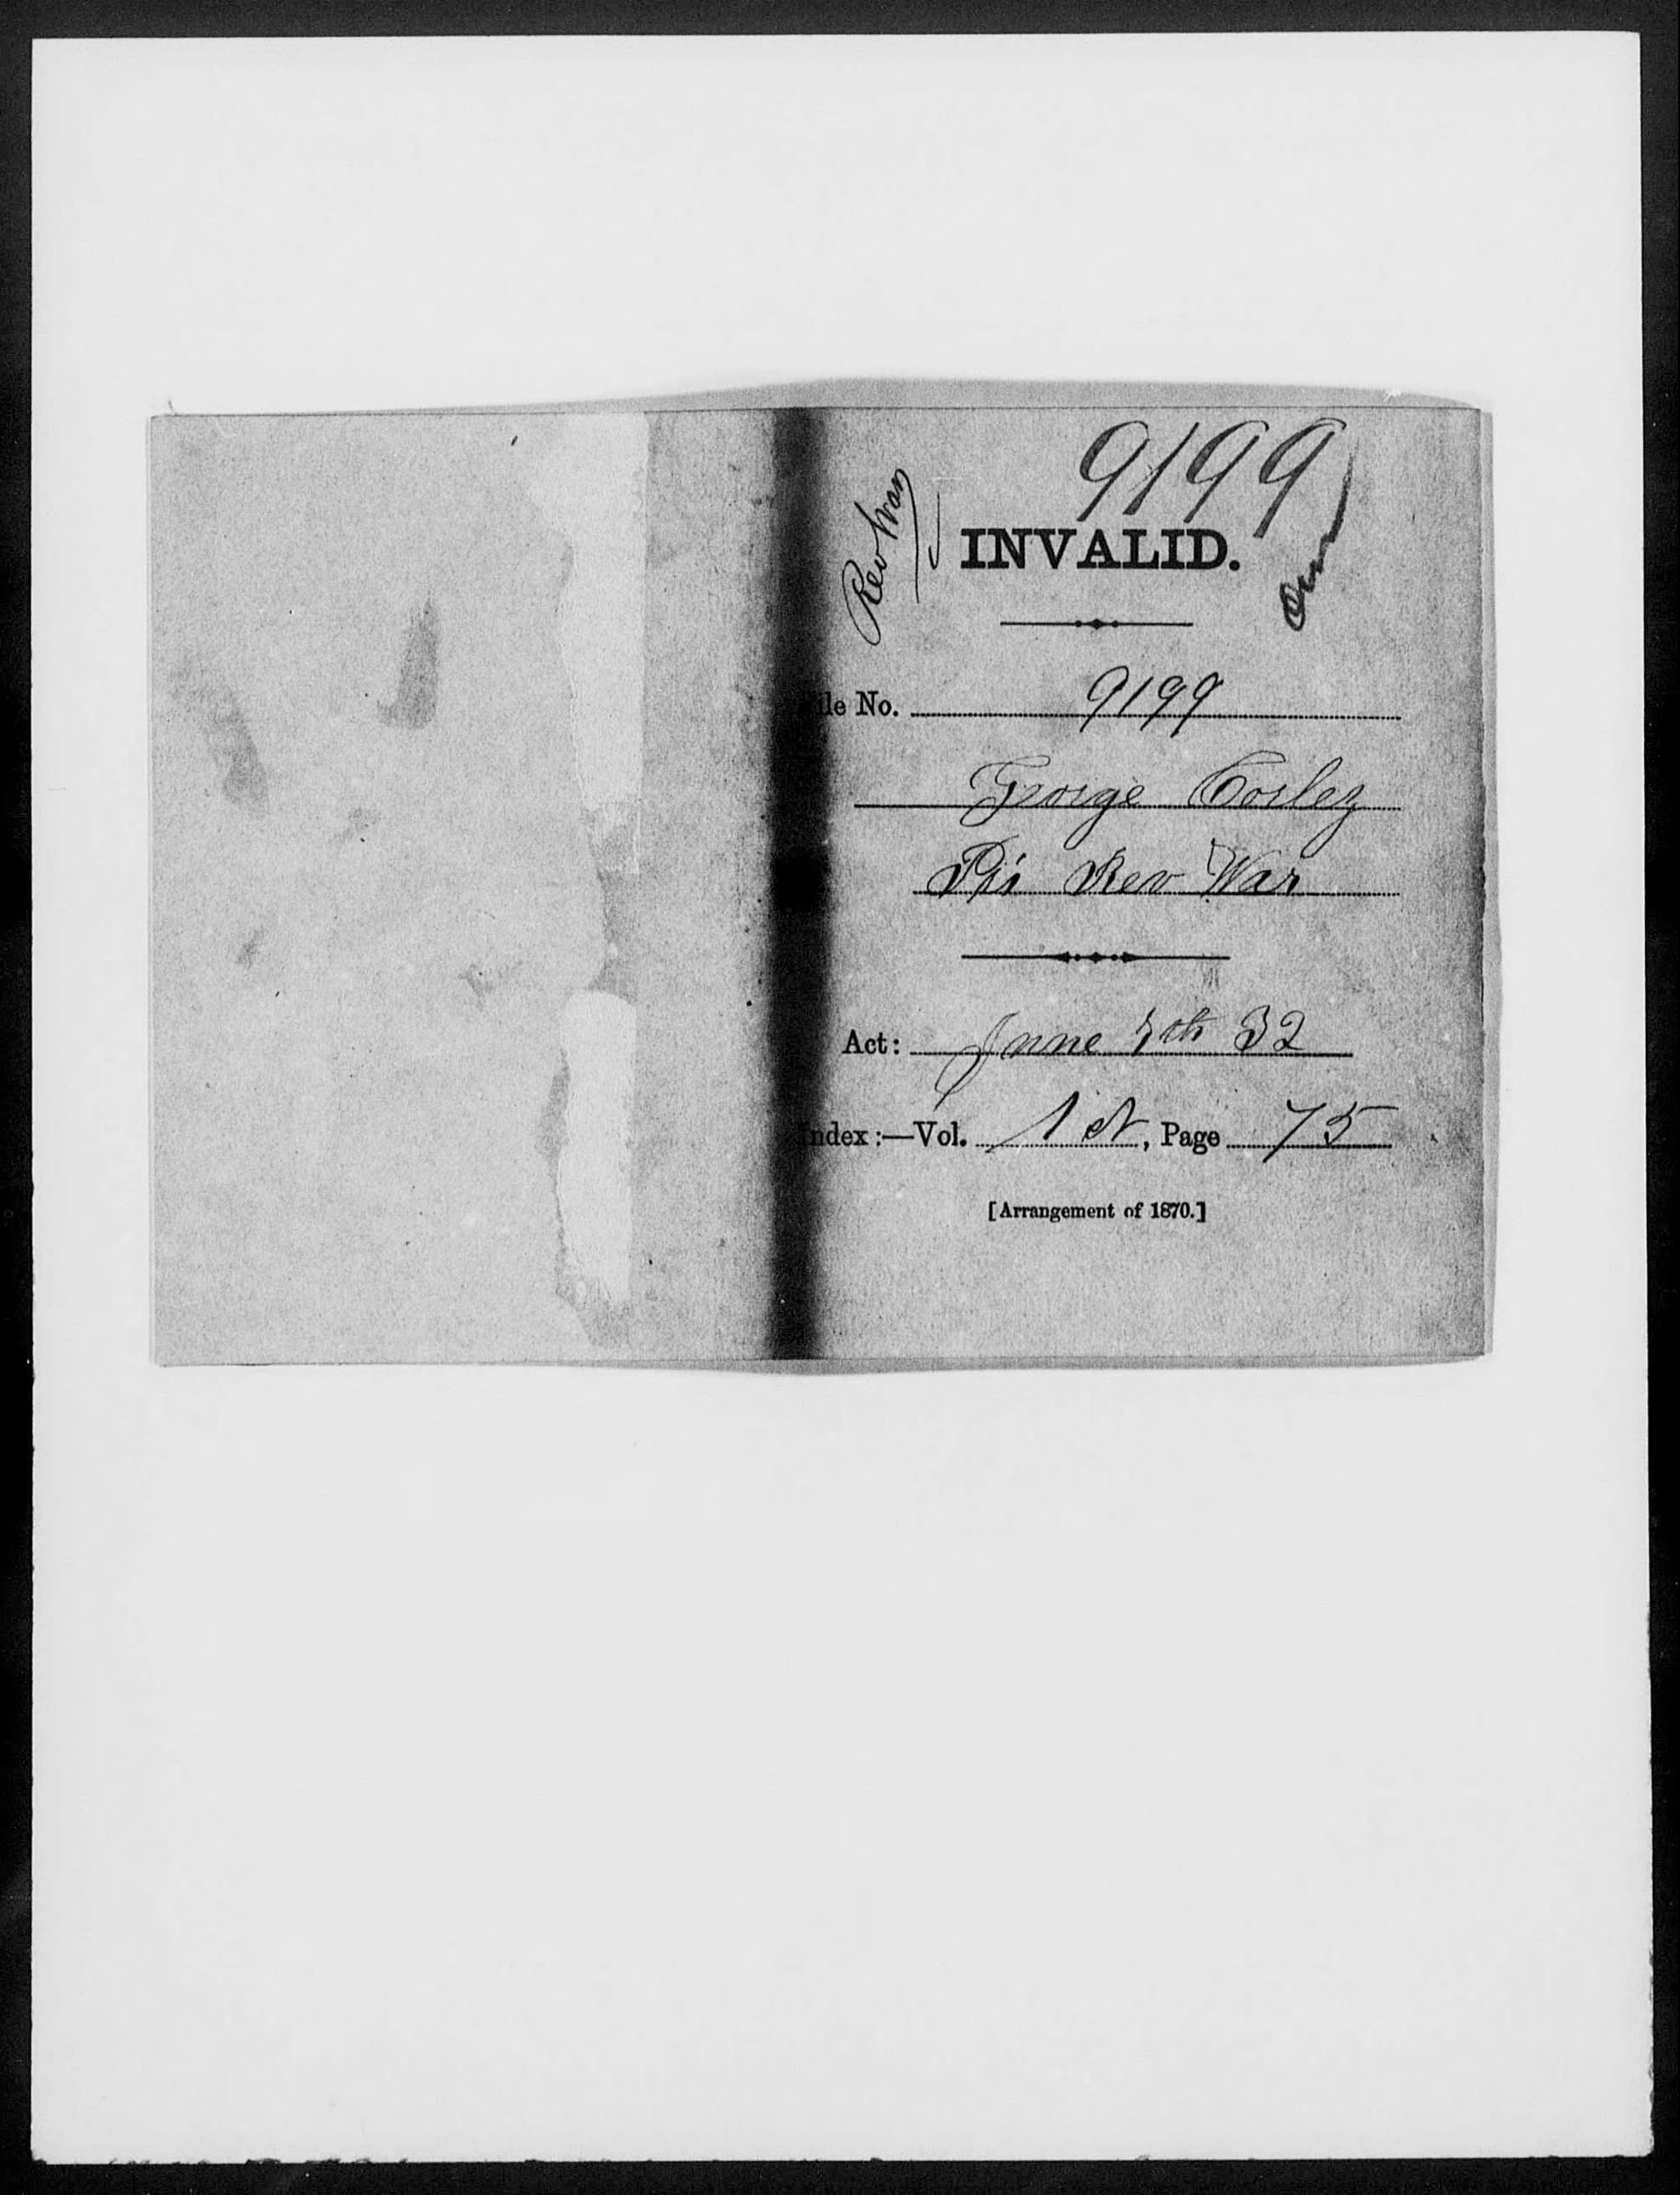9199
Rev War INVALID.
le No. 9199
George Corley
Pis Rev War
Act: June 7th 32
Incex: - Vol. [illegible], Page 75
[Arrangement of 1870]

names: George Corley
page: 13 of 22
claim: survivor's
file: S. 9,199, George Corley, Md.